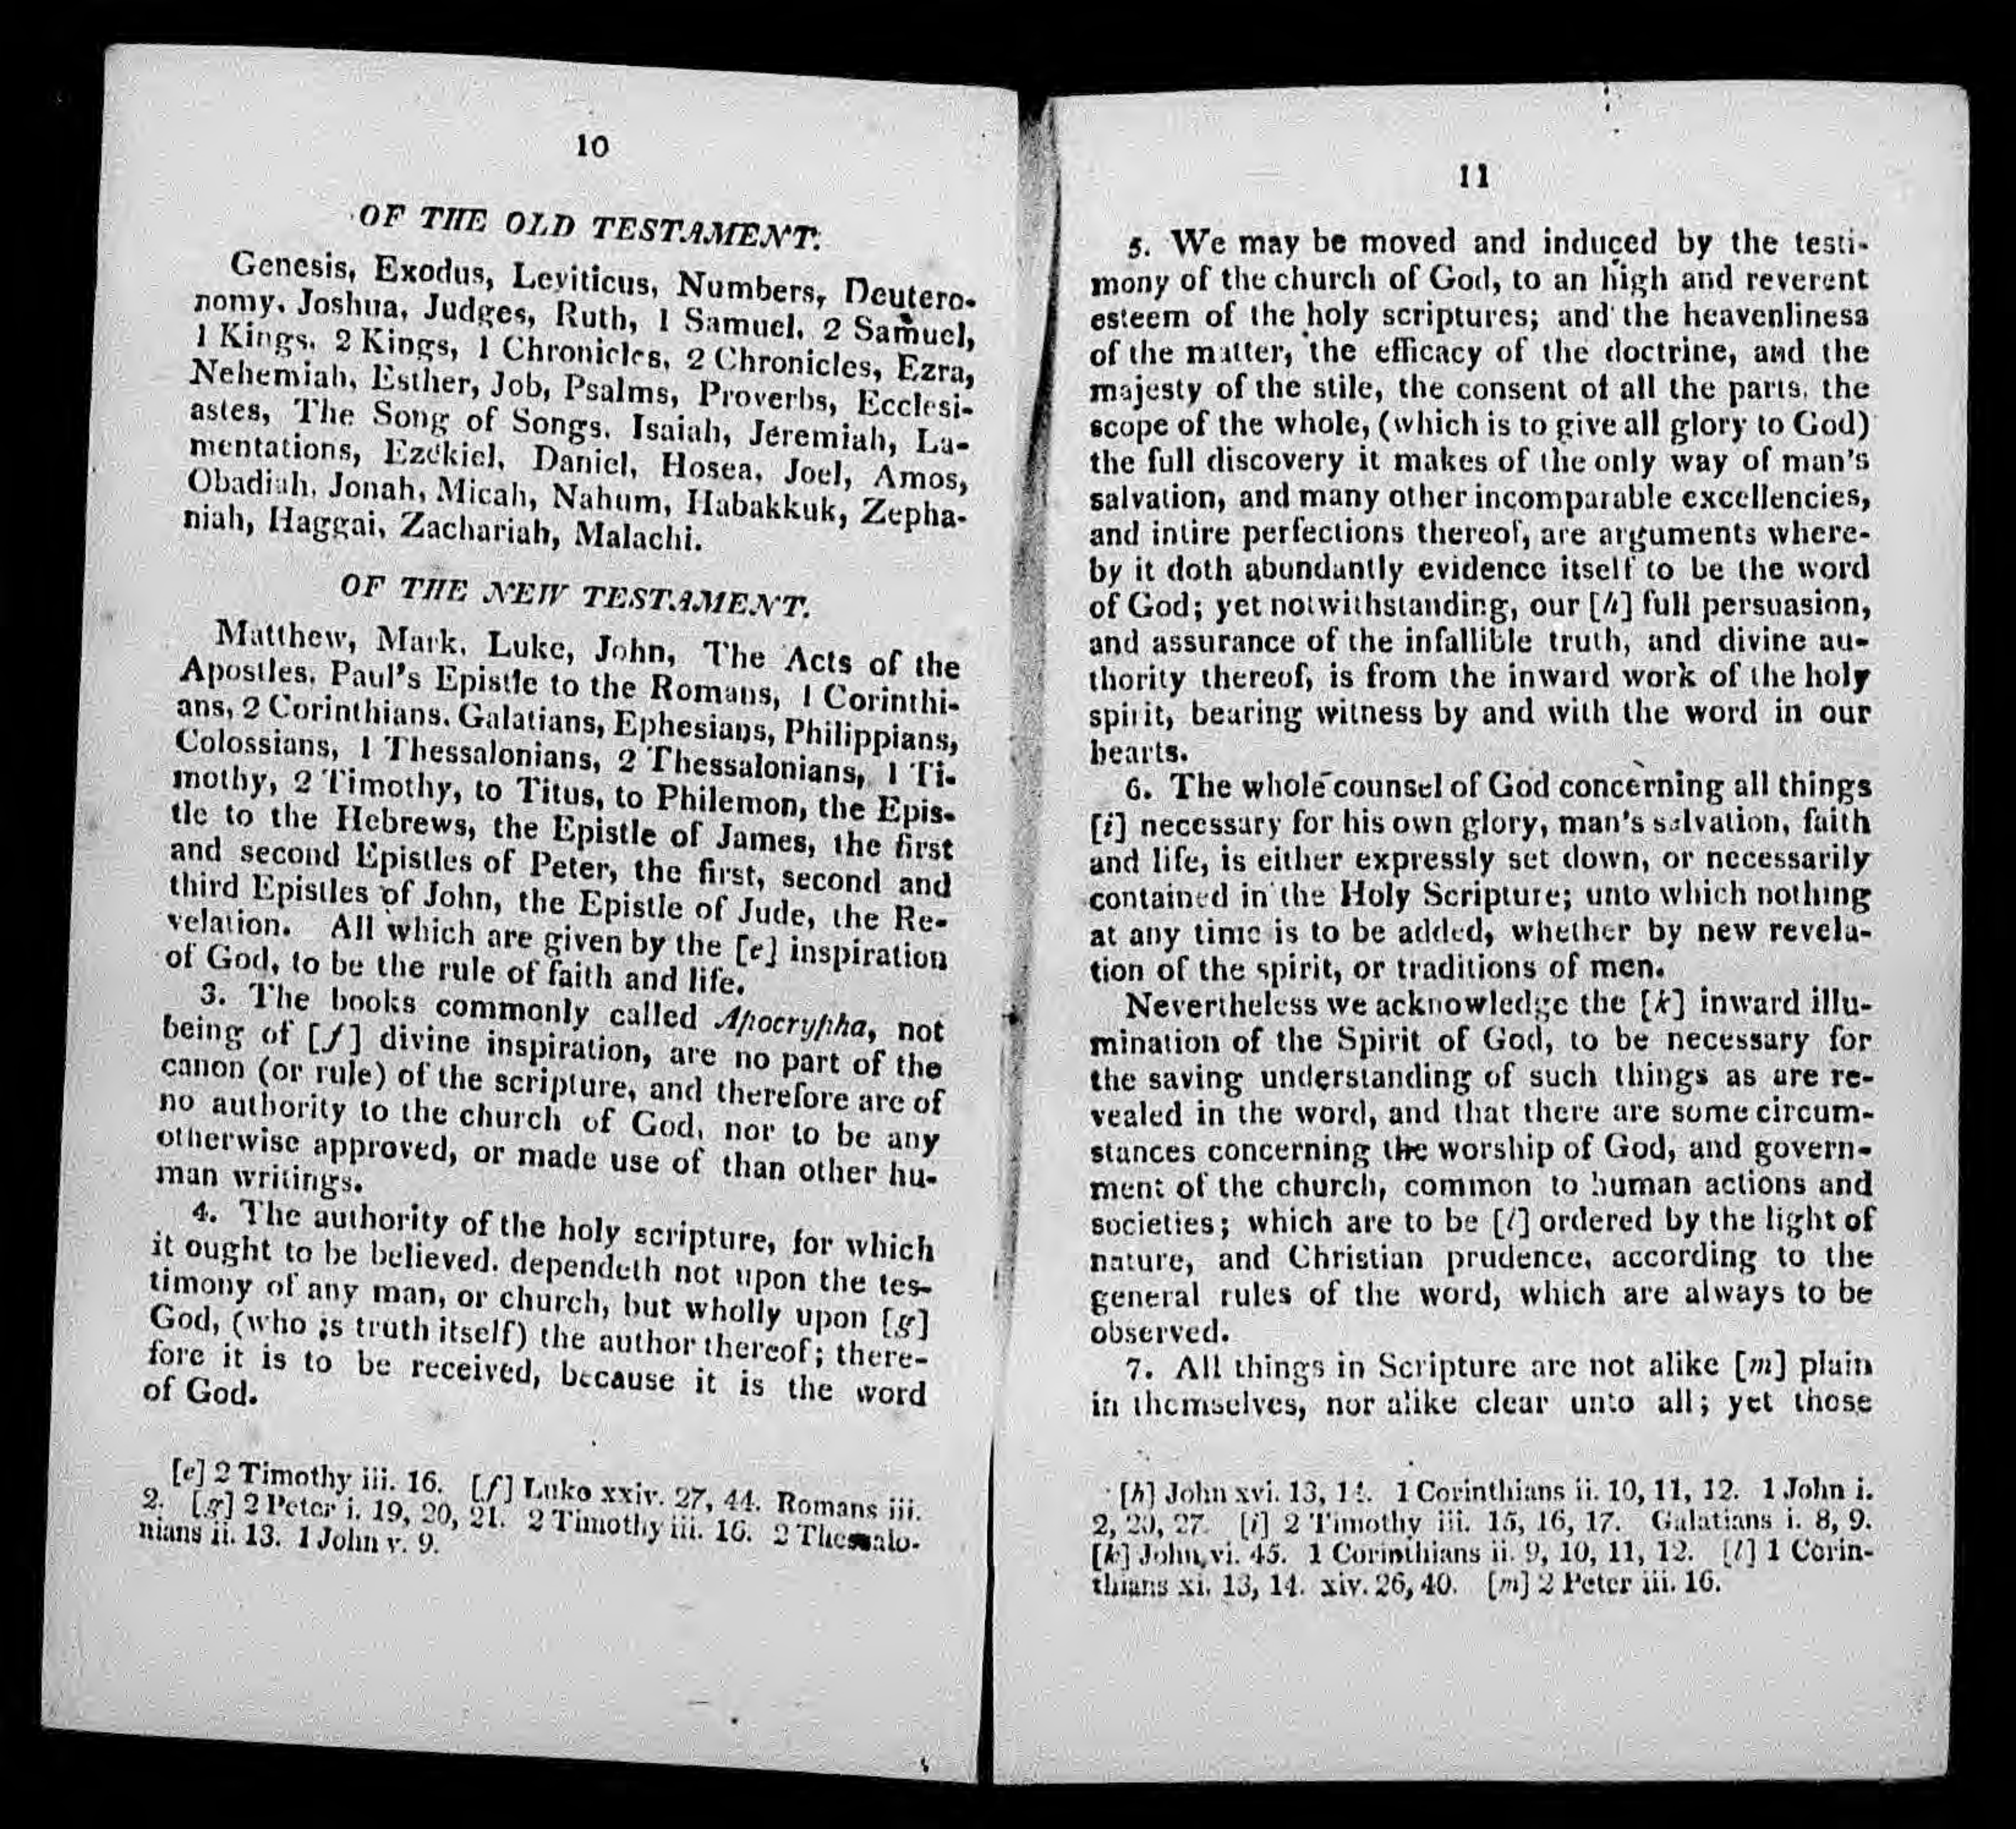10
OF THE OLD TESTAMENT
Genesis Exodus, Leviticus, Numbers, Deutero
nomy, Joshua, Judges, Ruth, Samuel 2 Samuel,
Kings 2 Kings, Chronicles, 2 Chronicles, Ezra,
Nehemiab, Esther, Job, Psalms, Proverbs, Ecclesi astes, The Song of Songs, Isaiah, Jeremiah, La
mentations, Ezekiel, Daniel, Hosea, Joel, Amos,
Obadiah, Jonah, Micah, Nahum, Habakkuk, Zephanah, Haggai, Zachariah, Malachi.

OF THE NEW TESTAMENT

Matthew, Mark, Luke, John, The Acts of the
Apostles, Paul's Epistle to the Romans, 1 Corinthians, 2 Corinthians, Galatians, Ephesians, Philippians, Colossians, 1 Thessalonians, 2 Thessalonians, I Tmothy, 2 Timothy, to Titus, to Philemon, the Episthe
to the Hebrews, the Epistle of James, the first
and second Epistles of Peter, the first, second and
third Epistles of John, the Epistle of Jude, the Revelation . All which are given by the [e] inspiration
of God, to be the rule of faith and life.

3. The books commonly called Apocrypha, not
being of [f] divine inspiration, are no part of the
cation (or rule ) of the scripture, and therefore are of
no authority to the church of God, nor to be any
otherwise approved, or made use of than other husman writings.

4. The authority of the holy scripture, for which
it ought to be believed, dependeth not upon the ten
timony of any man, or church, but wholly upon ig]
God, (who is truth itself) the author thereof; there
fore it is to be received, because it is the word
of God.
[e]2 Timothy iii 16. [f] Luke xxiv. 27, 44. Romans iii.
2[g]2 Peter I, 19, 20, 21, 2 Timothy ill. 16. 2Thessalo-
ians 13. 1 John v. 9.

11

5. We may be moved and induced by the testi
mony of the church of God, to an high and reverent
esteem of the holy scriptures; and the heavenliness
of the matter, the efficacy of the doctrine, and the
majesty of the stile, the consent of all the parts, the
scope of the whole, (which is to give all glory to God)
the full discovery it makes of the only way of man's
salvation, and many other incomparable excellencies,
and intire perfections thereof, are arguments whereby
it doth abundantly evidence itself to be the word
of God; yet notwithstanding, our (3 full persuasion,
and assurance of the infallible truth, and divine authority
thereof, is from the inward work of the holy
spirit, bearing witness by and with the word in our
hearts.

6. The whole counsel of God concerning all things
[i] necessary for his own glory, man's salvation, faith
and life, is either expressly set down, or necessarily
contained in the Holy Scripture; unto which nothing
at any time is to be added, whether by new revelation
of the spirit, or traditions of men

Nevertheless we acknowledge the [] inward illumination
of the Spirit of God, to be necessary for
the saving understanding of such things as are revealed
in the word, and that there are some circumstances
concerning the worship of God, and government
of the church, common to human actions and
societies; which are to be ordered by the light of
nature, and Christian prudence, according to the
general rules of the word, which are always to be
observed.

7. All things in Scripture are not alike a plain
in themselves, nor alike clear unto all; yet those

[a] John xvi. 13, 14 1 Corinthians 11. 10, 11, 12 1 John I.
2, 20, 27. [i] 2 Timothy iii. 15, 16, 17, Galatians i. 8, 9.
[k]John vi. 45. 1 Corinthians i. 9, 10, 11, 12. 1 Corin
thians xi 13, 14. xiv. 26, 40. [m] 2 Peter iii. 16.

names: Peter, John, Daniel, Philemon, Zachariah, Habakkuk, Peter, Kings, Matthew, Amos, Haggai, Joel, Isaiah, Timothy, Peter, Jude, Ezekiel, Timothy, Timothy, Titus, Timothy, John, Samuel, John, John, Obadiah, James, Job, John, Micah, Luke, Hosea, Jonah, Luke, Timothy, Joshua, Ezra, Ruth, Esther, Malachi, John, Samuel, Mark, Kings, Jeremiah, Zaphaniah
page: 17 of 98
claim: widow's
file: W. 8398, William Broadway, S.C.